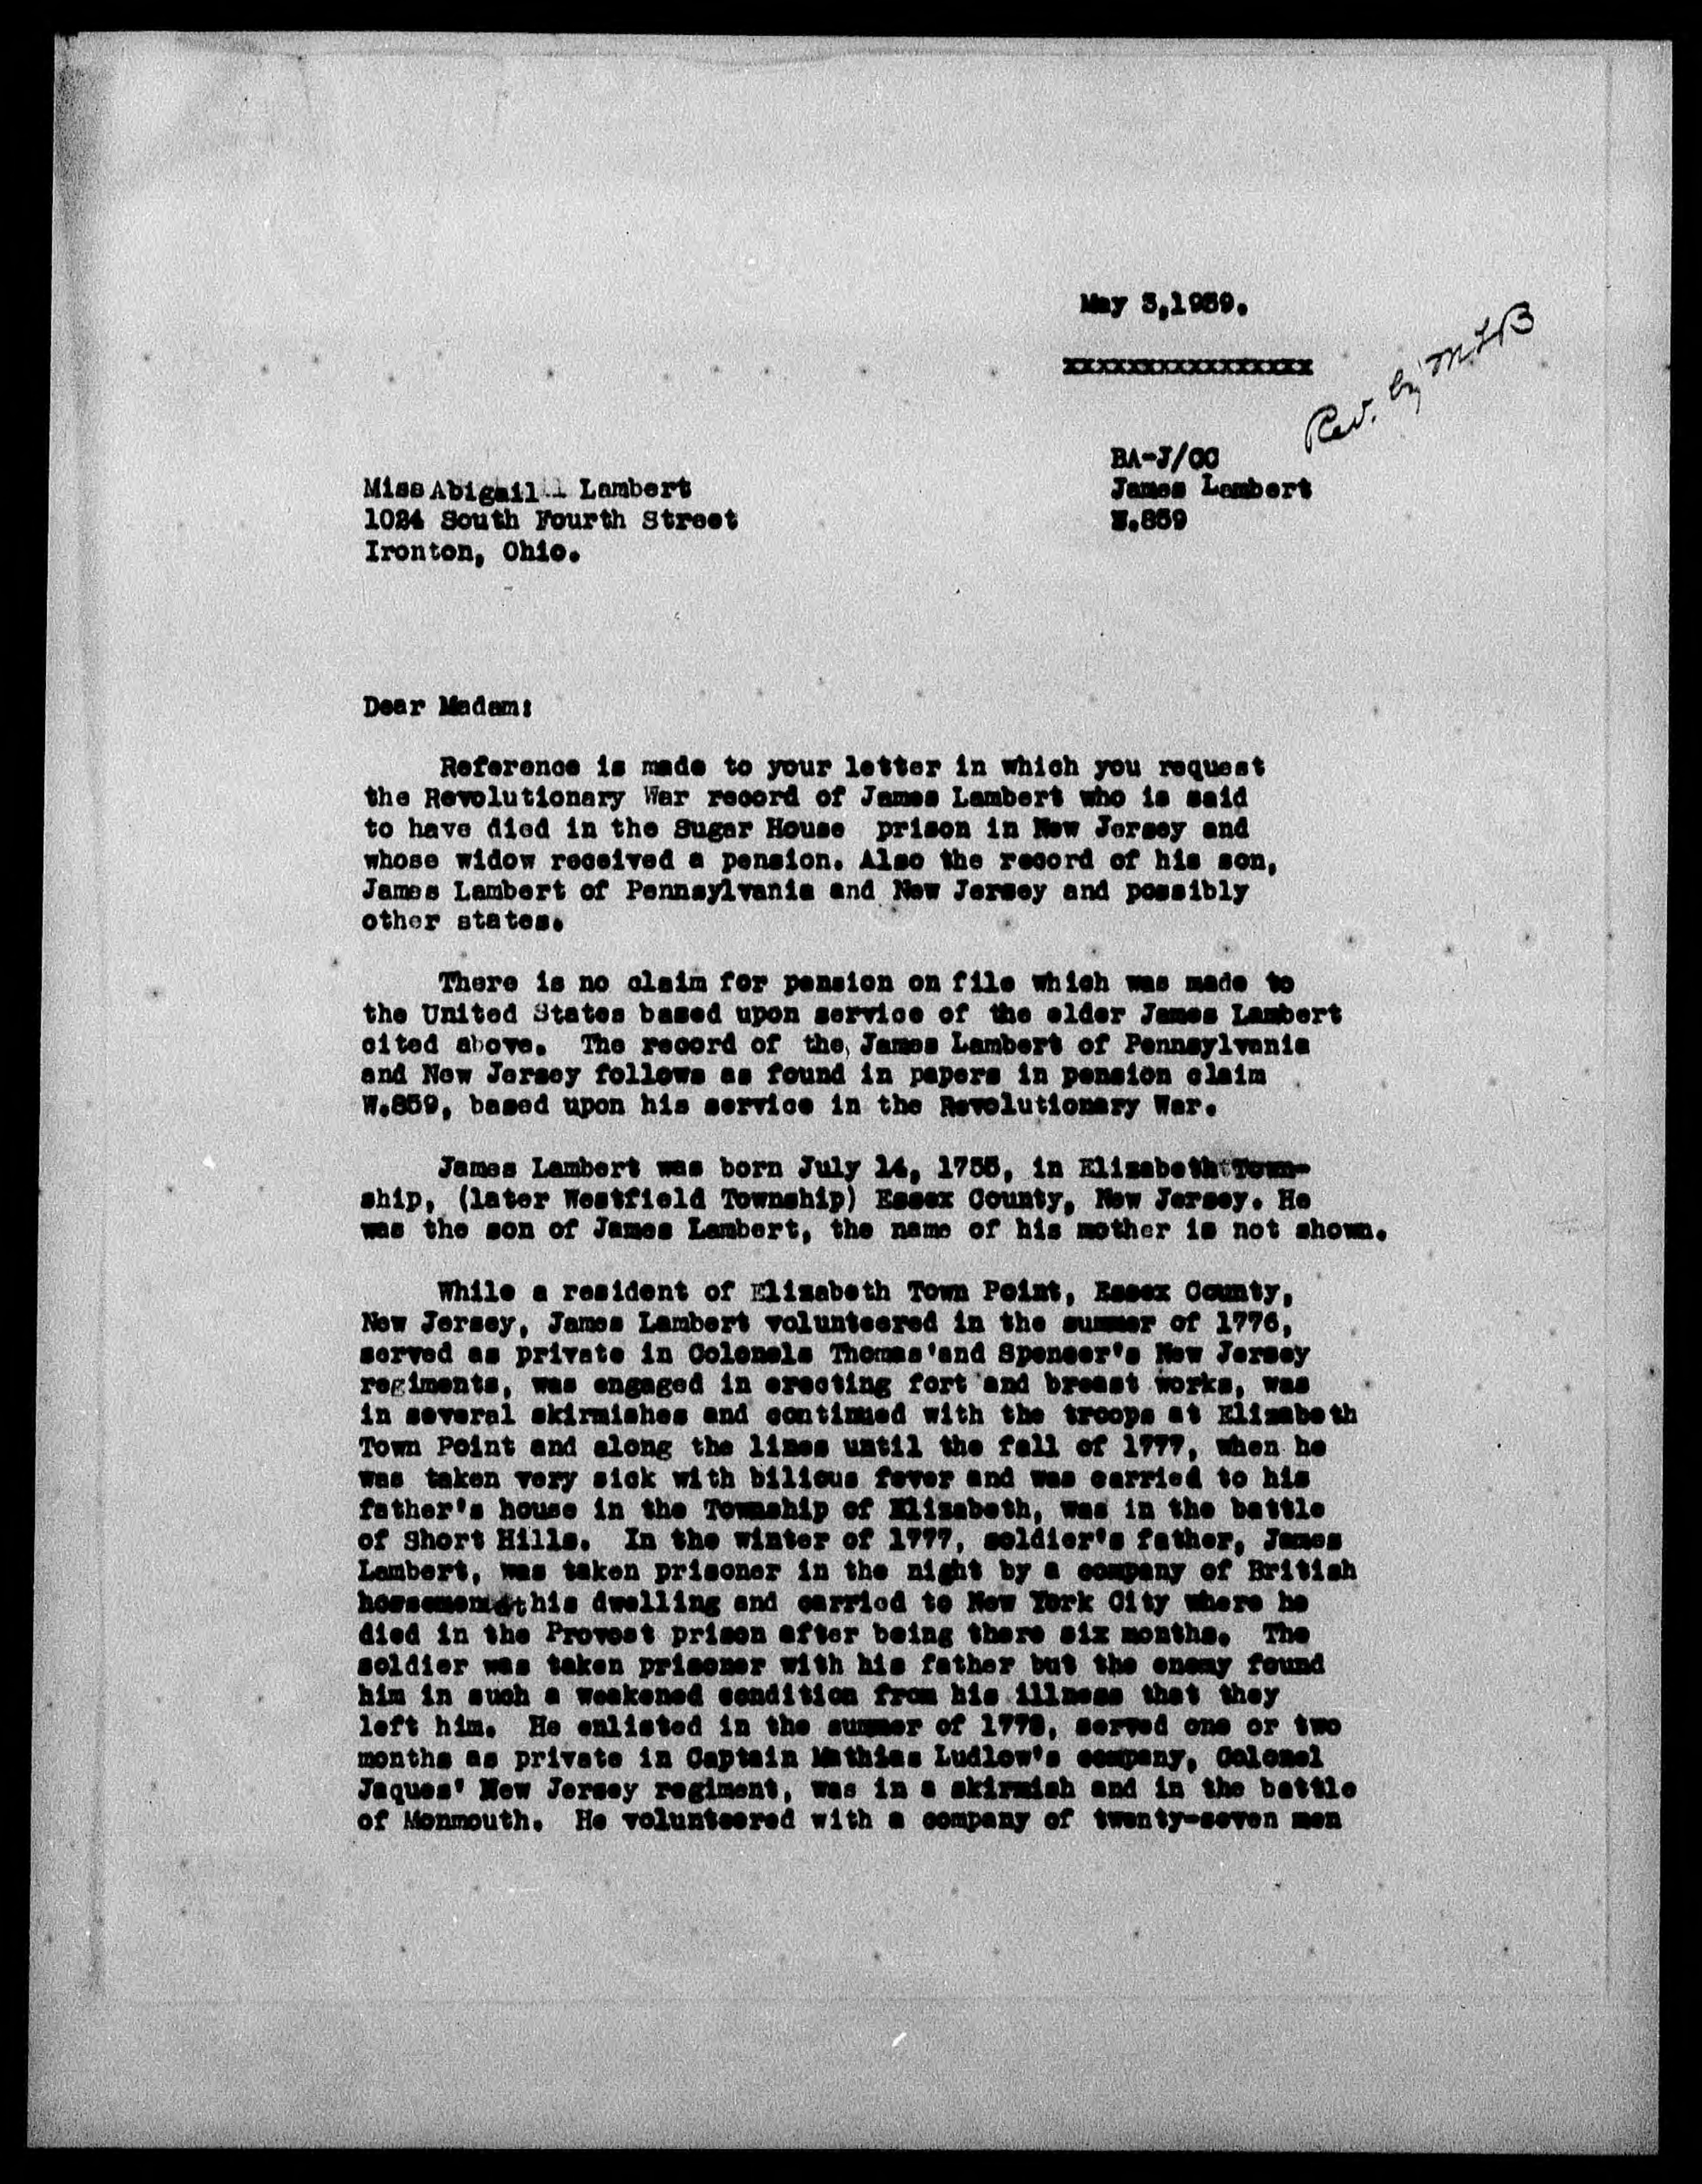May 3, 1959.
XXX
BA-J/CC
James Lambert
W.569

Miss Abigail Lambert
1024 South Fourth Street
Ironton, Ohio.

Dear Madam:

Reference is made to your letter in which you request the Revolutionary War record of James Lambert who is said to have died in the Sugar House prison in New Jersey and whose widow received a pension. Also the record of his son,
James Lambert of Pennsylvania and New Jersey and possibly other states
There is no claim for pension on file which was made to the United States based upon service of the elder James Lambert cited above. The record of the James Lambert of Pennsylvania
and New Jersey follows as found in papers in pension claim W.859, based upon his service in the Revolutionary War.
James Lambert was born July 14, 1755, in Elizabeth Township, (later Westfield Township) Essex County, New Jersey. He was the son of James Lambert, the name of his mother is not shown.
While a resident of Elizabeth Town Point, Essex County, New Jersey, James Lambert volunteered in the summer of 1776, served as private in Colonels Thomas and Spencer's New Jersey regiments, was engaged in erecting fort and breast works, was in several skirmishes and continued with the troops at Elizabeth Town Point and along the lines until the fall of 1777, when he was taken very sick with bilious fever and was carried to his father's house in the Township of Elizabeth, was in the battle of
Short Hills. In the winter of 1777, soldier's father, James Lambert, was taken prisoner in the night by a company of British horsemen at his dwelling and carried to New York City where he died in the Provost Prison after being there six months. The soldier was taken prisoner with his father but the enemy found
him in such a weakened condition from his illness that they left him. He enlisted in the summer of 1779, served one or two months as private in Captain Mathias Ludlow's company, Colonel Jaques' New Jersey regiment, was in a skirmish and in the battle of Monmouth. He volunteered with a company of twenty-seven men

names: Abigail Lambert; James Lambert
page: 21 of 49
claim: widow's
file: W. 859, for James Lambert, New Jersey